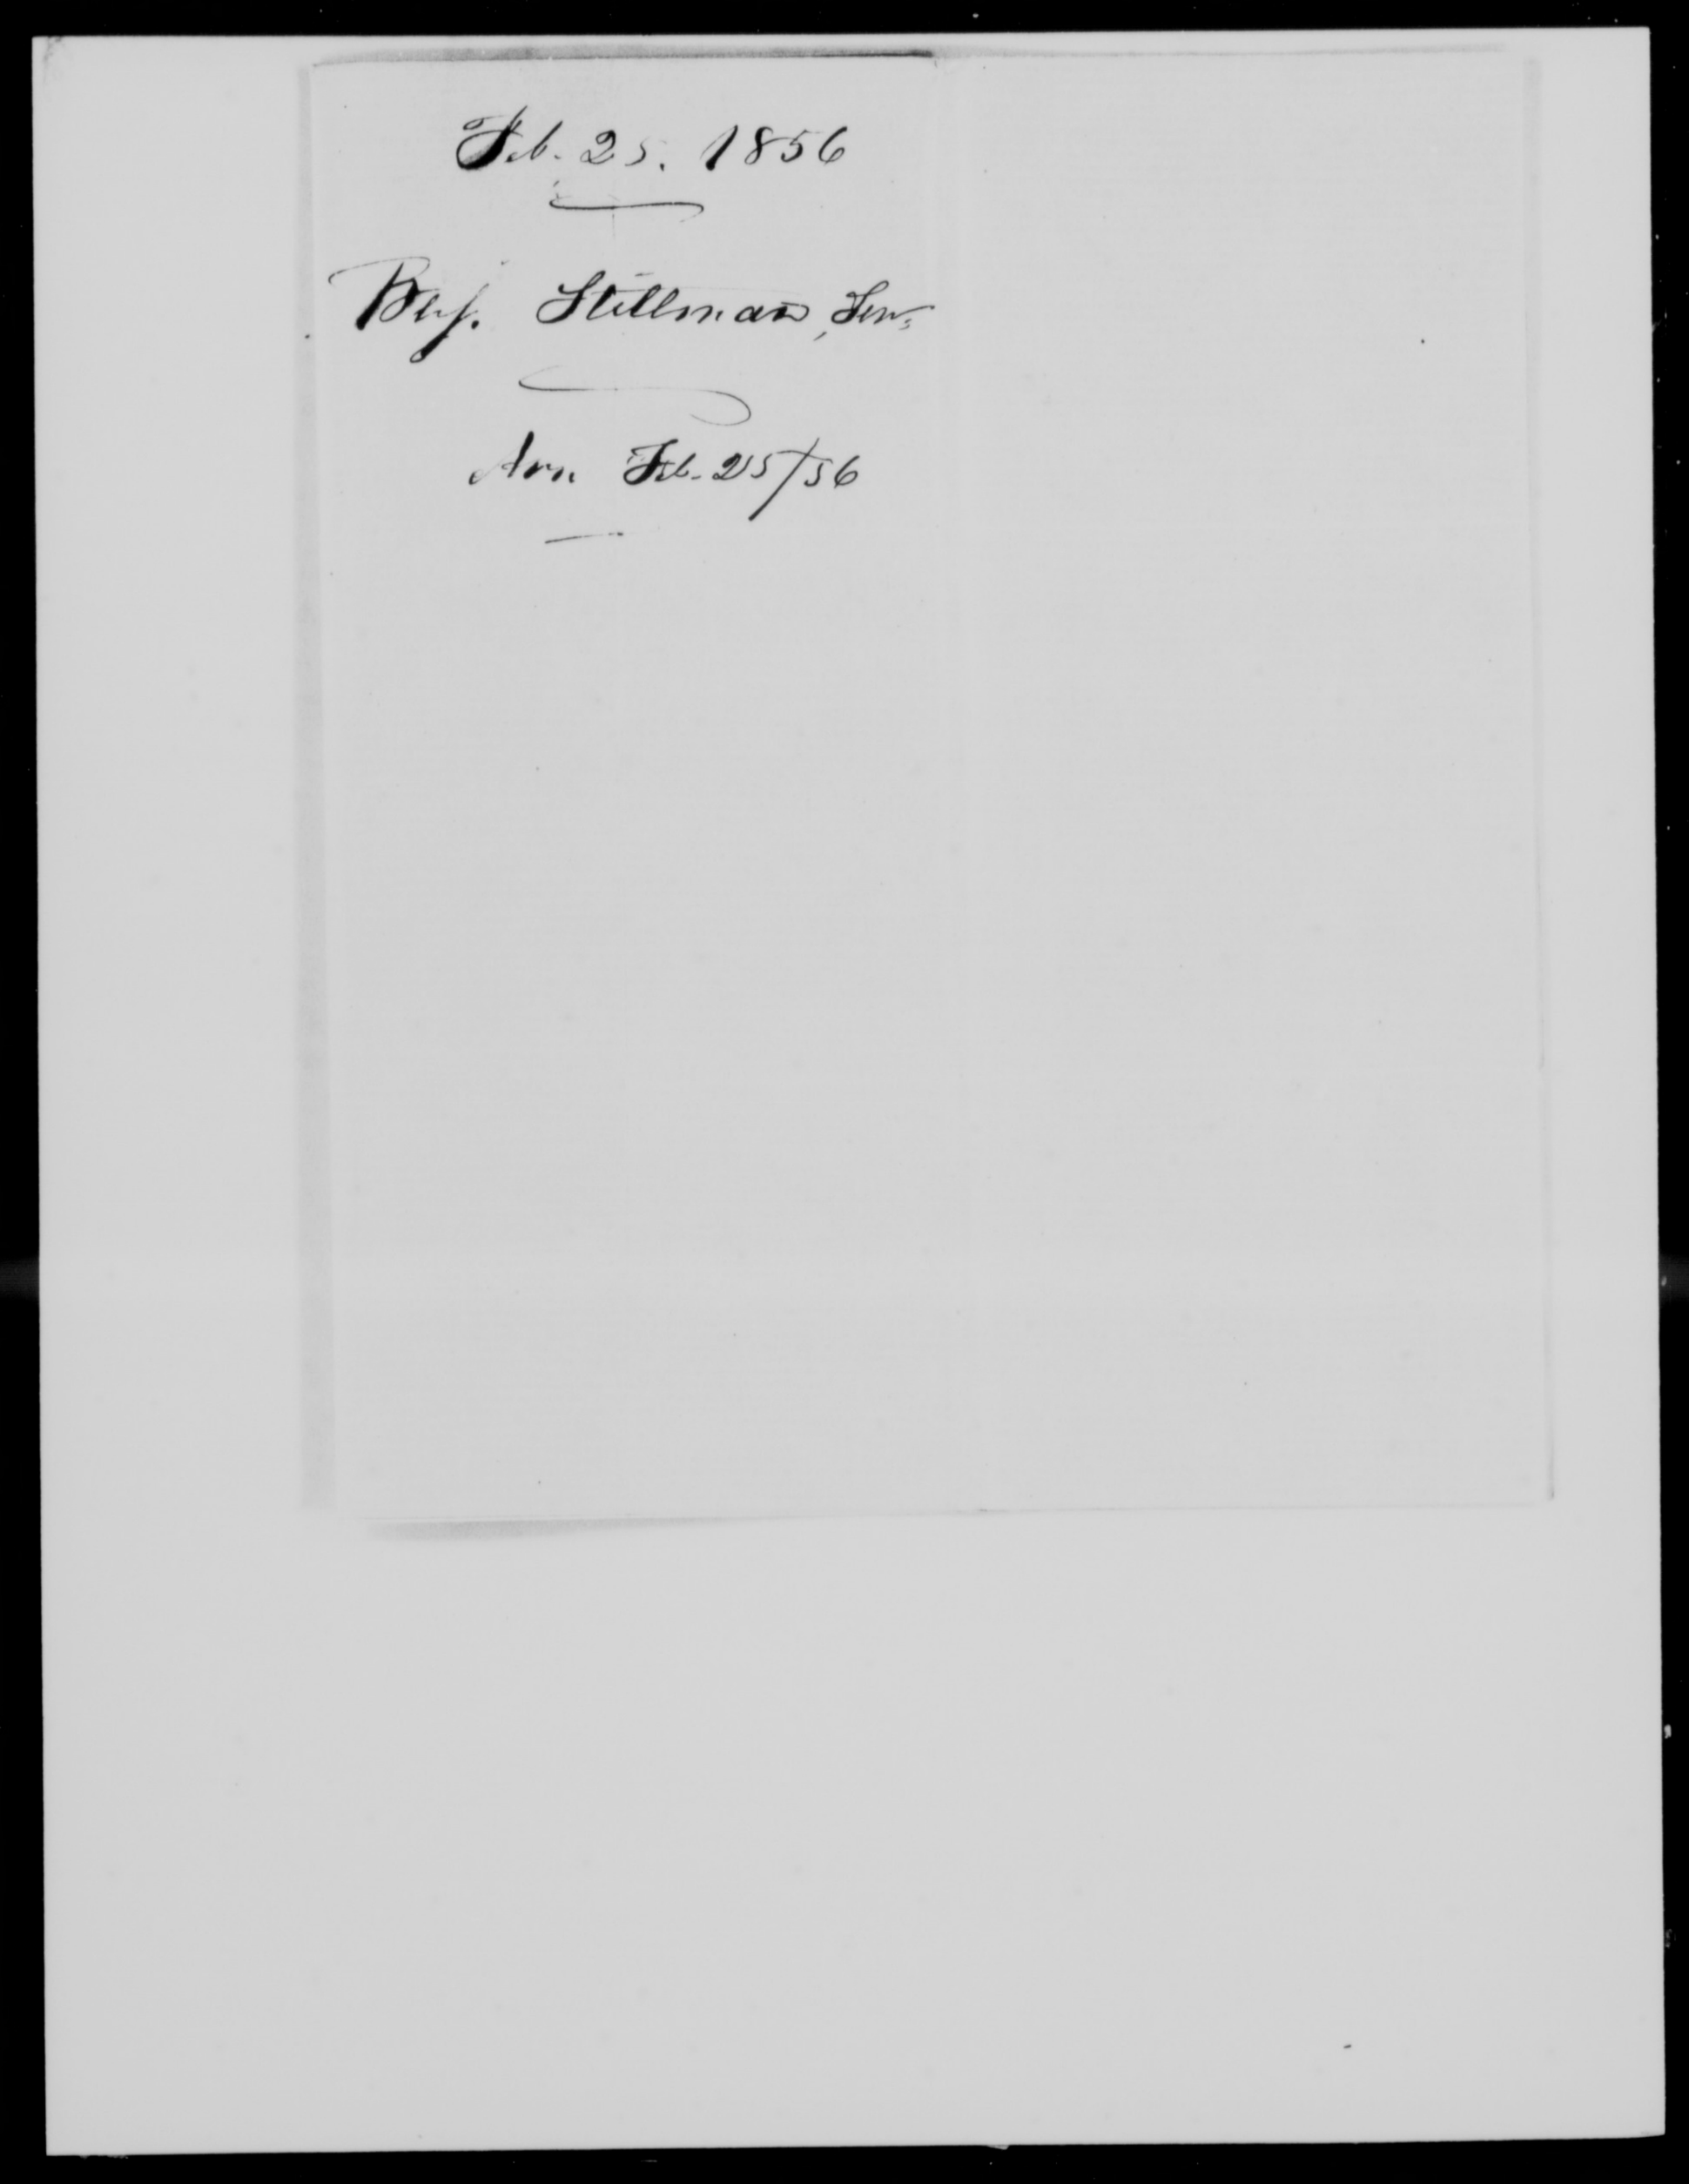Feb. 25. 1856
Benj. Stillman Sen.
Adm Feb. 25/56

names: Benj Stillman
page: 20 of 29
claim: bounty land warrant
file: B.L.Wt.47987-160-55, for Benjamin Stillman, Rhode Island